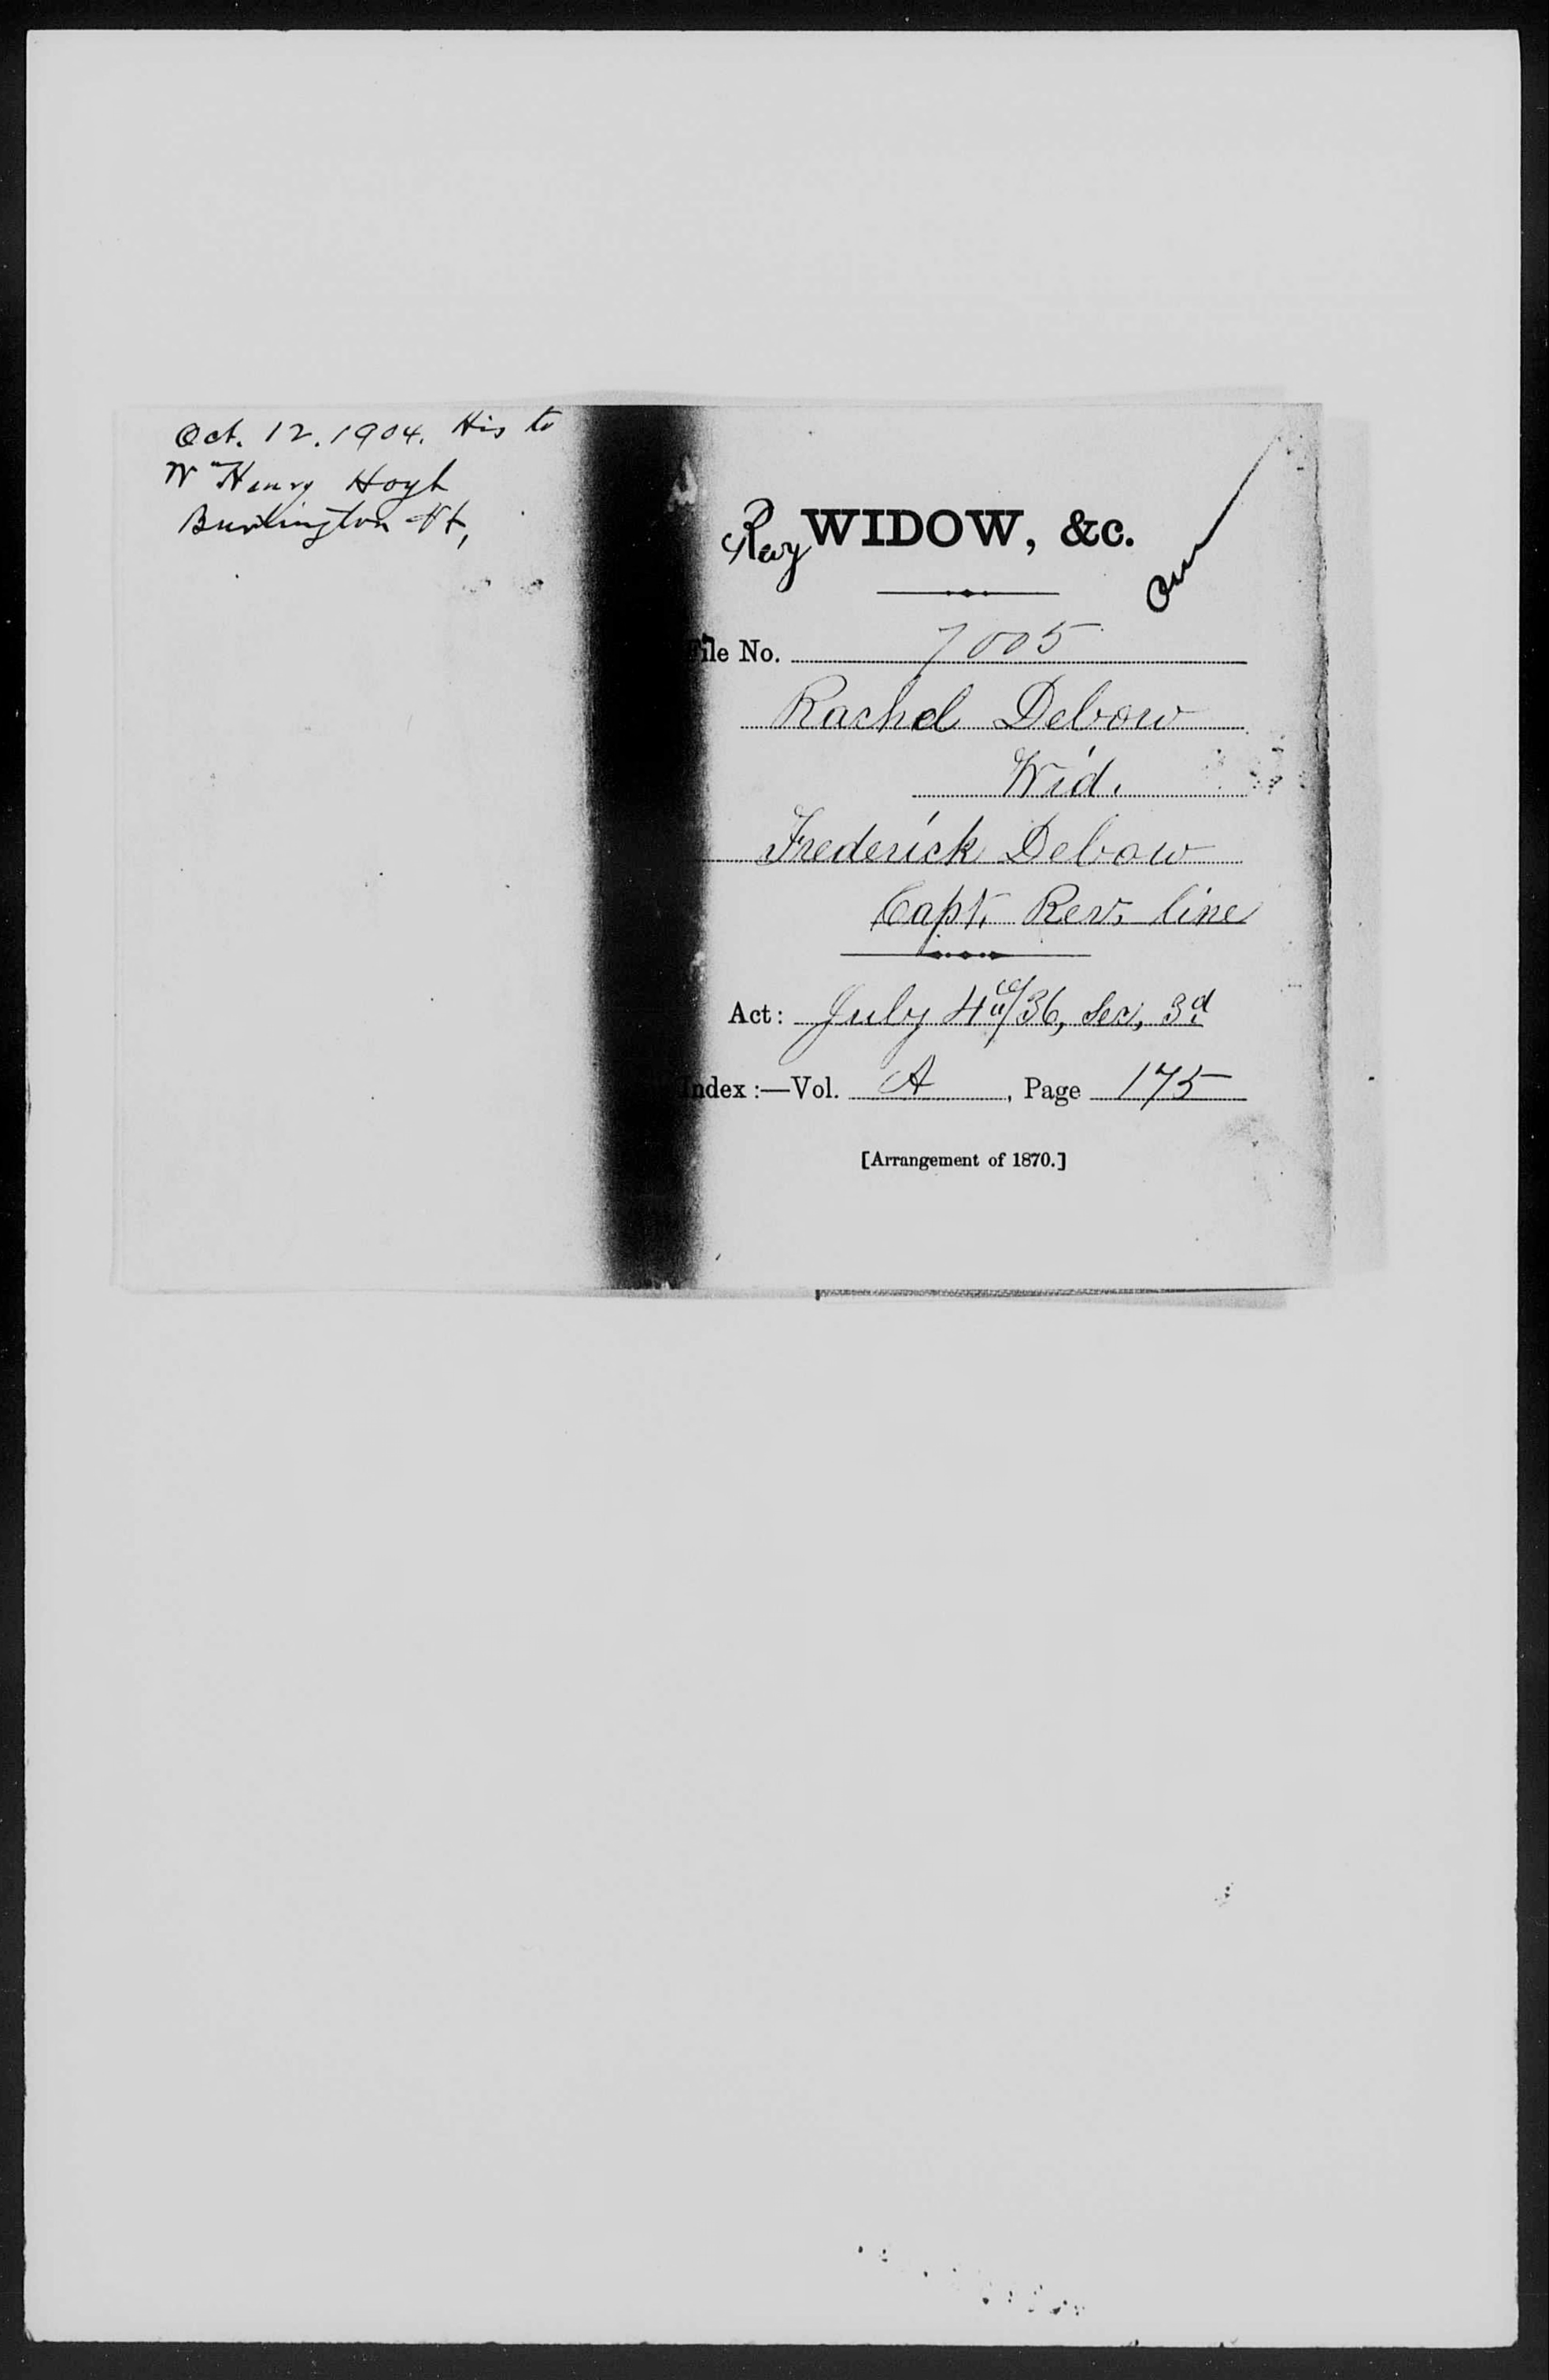Left side [handwritten] 
Oct. 12. 1904. His to
W Henry Hot
Burlington, VT
Right sige [form]
[handwritten] Rvy [typed] WIDOW, &c.
File No. 7005  [illegible and on the side]
Rachel Debow
Widow
Frederick Debow
 Capt. Rev. lin
--
Act: July 4 cc [under cc] a / 36 Sec 3d. 
Inex:-- Vol. A, Page 175
 [Arrangement of 1870.]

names: Rachel Debow, W Henry Hoyt, Frederick Debow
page: 24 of 62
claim: widow's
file: W 7005, Frederick Debow, N.C.